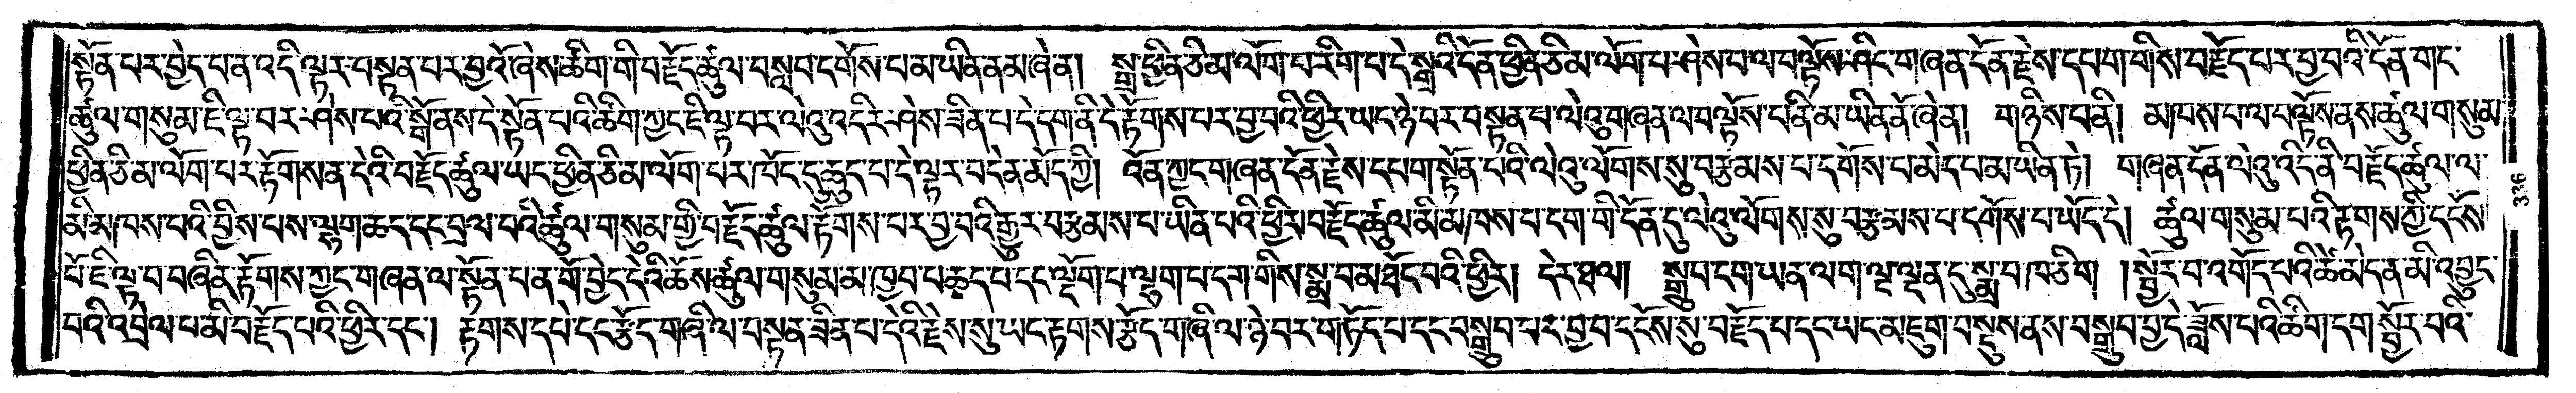སྟོན་པར་བྱེད་པ་ན་འདི་ལྟར་བསྟན་པར་བྱའོ་ཞེས་ཚིག་གི་བརྗོད་ཚུལ་བསླབ་དགོས་པ་མ་ཡིན་ནམ་ཞེ་ན། སྒྲ་ཕྱིན་ཅི་མ་ལོག་པ་རིག་པ་དེ་སྒྲའི་དོན་ཕྱིན་ཅི་མ་ལོག་པ་ཤེས་པ་ལ་བལྟོས་ཤིང་གཞན་དོན་རྗེས་དཔག་གིས་བརྗོད་པར་བྱ་བའི་དོན་གང་
ཚུལ་གསུམ་ཇི་ལྟ་བར་ཤེས་པའི་སྒོ་ནས་དེ་སྟོན་པའི་ཚིག་ཀྱང་ཇི་ལྟ་བར་ལེའུ་འདིར་ཤེས་ཟིན་པ་དེ་དག་ནི་དེ་རྟོགས་པར་བྱ་བའི་ཕྱིར་ཡང་ཉེ་བར་བསྟན་པ་ལེའུ་གཞན་ལ་བལྟོས་པ་ནི་མ་ཡིན་ནོ་ཞེ་ན། གཉིས་པ་ནི། མཁས་པ་ལ་བལྟོས་ནས་ཚུལ་གསུམ་
ཕྱིན་ཅི་མ་ལོག་པར་རྟོགས་ན་དེའི་བརྗོད་ཚུལ་ཡང་ཕྱིན་ཅི་མ་ལོག་པར་ཁོང་དུ་ཆུད་པ་དེ་ལྟར་བདེན་མོད་ཀྱི། འོན་ཀྱང་གཞན་དོན་རྗེས་དཔག་སྟོན་པའི་ལེའུ་ལོགས་སུ་བརྩམས་པ་དགོས་པ་མེད་པ་མ་ཡིན་ཏེ། གཞན་དོན་ལེའུ་འདི་ནི་བརྗོད་ཚུལ་ལ་
མི་མཁས་པའི་བྱིས་པས་ལྷག་ཆད་དང་བྲལ་བའི་ཚུལ་གསུམ་གྱི་བརྗོད་ཚུལ་རྟོགས་པར་བྱ་བའི་རྒྱུར་བརྩམས་པ་ཡིན་པའི་ཕྱིར། བརྗོད་ཚུལ་མི་མཁས་པ་དག་གི་དོན་དུ་ལེའུ་ལོགས་སུ་བརྩམས་པ་དགོས་པ་ཡོད་དེ། ཚུལ་གསུམ་པའི་རྟགས་ཀྱི་དངོས་
པོ་ཇི་ལྟ་བ་བཞིན་རྟོགས་ཀྱང་གཞན་ལ་སྟོན་པ་ན་གོ་བྱེད་དེའི་ཆོས་ཚུལ་གསུམ་མ་ཁྱབ་པ་ཆད་པ་དང་ལྡོག་པ་ལྷག་པ་དག་གིས་སྨྲ་བ་མཐོང་བའི་ཕྱིར། དེར་ཐལ། སྒྲུབ་ངག་ཡན་ལག་ལྔ་ལྡན་དུ་སྨྲ་བ་ཁ་ཅིག །སྦྱོར་བ་འགོད་པའི་ཚེ་མེད་ན་མི་འབྱུང་
པའི་འབྲེལ་པ་མི་བརྗོད་པའི་ཕྱིར་དང་། རྟགས་དཔེ་དང་རྩོད་གཞི་ལ་བསྟན་ཟིན་པ་དེའི་རྗེས་སུ་ཡང་རྟགས་རྩོད་གཞི་ལ་ཉེ་བར་གཏོད་པ་དང་བསྒྲུབ་པར་བྱ་བ་དངོས་སུ་བརྗོད་པ་དང་ཡང་མཇུག་བསྡུས་ནས་བསྒྲུབ་བྱ་དེ་ཟློས་པའི་ཚིག་དག་སྦྱོར་བའི་